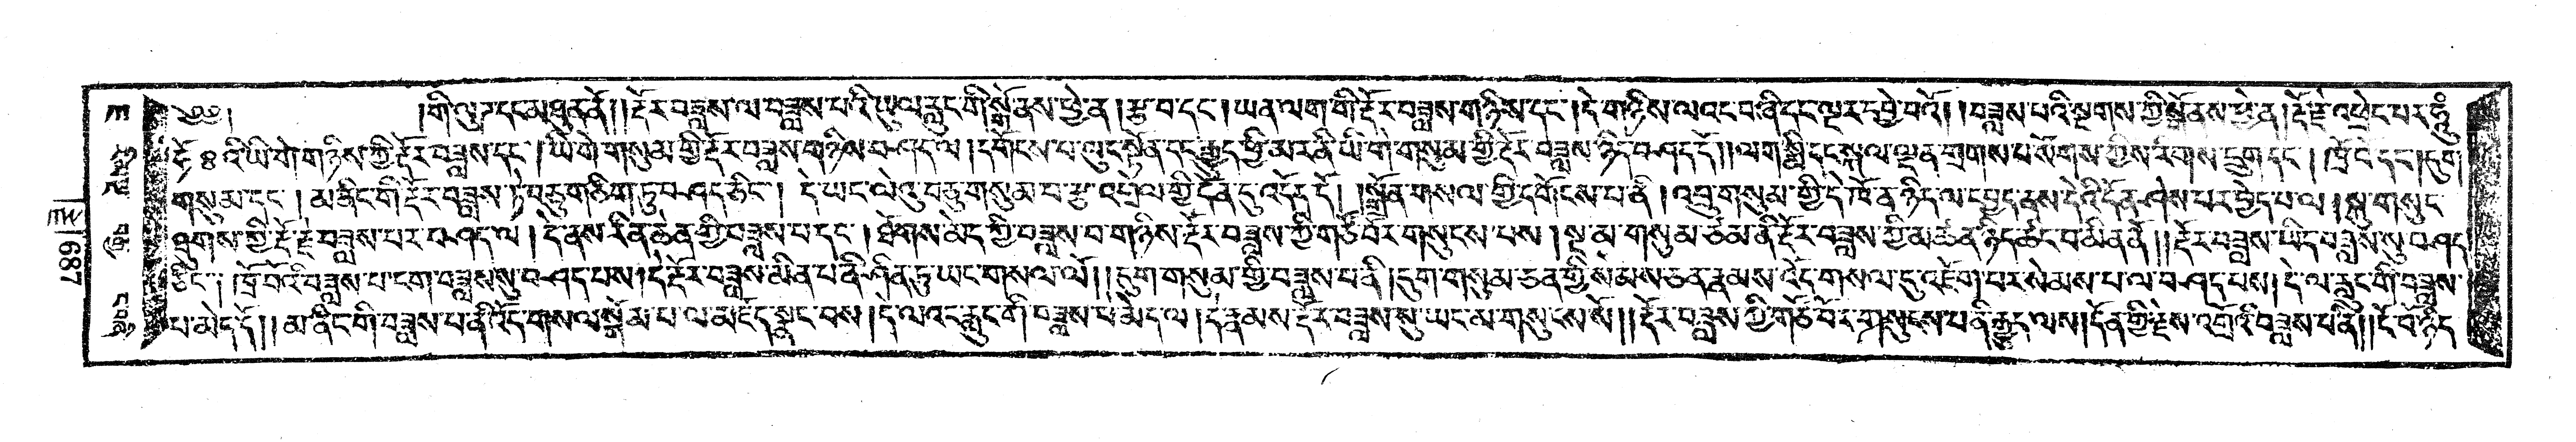༄༅། །གི་ལུགས་དང་མཐུན་ནོ། །རྡོར་བཟླས་ལ་བཟླས་པའི་ཡུལ་རླུང་གི་སྒོ་ནས་ཕྱེ་ན། རྩ་བ་དང་། ཡན་ལག་གི་རྡོར་བཟླས་གཉིས་དང་། དེ་གཉིས་ལའང་བཞི་དང་ལྔར་དབྱེ་བའོ། །བཟླས་པའི་སྔགས་ཀྱི་སྒོ་ནས་ཕྱེ་ན། རྡོ་རྗེ་འཕྲེང་བར་ཧཱུ་
ཧོཿ འི་ཡི་གེ་གཉིས་ཀྱི་རྡོར་བཟླས་དང་། ཡི་གེ་གསུམ་གྱི་རྡོར་བཟླས་གཉིས་བཤད་ལ། དགོངས་པ་ལུང་སྟོན་དང་རྒྱུད་ཕྱི་མར་ནི་ཡི་གེ་གསུམ་གྱི་རྡོར་བཟླས་ཉིད་བཤད་དོ། །ལག་སྨི་དང་སྐལ་ལྡན་གྲགས་པ་སོགས་ཀྱིས་རིགས་དྲུག་དང་། ཁྲོ་བོ་དང་། དུག་
གསུམ་དང་། མ་ནིང་གི་རྡོར་བཟླས་ཏེ་བཅུ་གཅིག་ཏུ་བཤད་ཅིང་། དེ་ཡང་ལེའུ་བཅུ་གསུམ་པ་རྩ་འགྲེལ་གྱི་དོན་དུ་འདོད་དོ། །སྒྲོན་གསལ་གྱི་དགོངས་པ་ནི། འབྲུ་གསུམ་གྱི་དེ་ཁོ་ན་ཉིད་ལ་དཔྱད་ནས་དེའི་དོན་ཤེས་པར་བྱེད་པ་ལ། སྐུ་གསུང་
ཐུགས་ཀྱི་རྡོ་རྗེ་བཟླས་པར་བཤད་ལ། དེ་ནས་རིན་ཆེན་གྱི་བཟླས་པ་དང་། ཐོགས་མེད་ཀྱི་བཟླས་པ་གཉིས་རྡོར་བཟླས་ཀྱི་གཙོ་བོར་གསུངས་པས། སྔ་མ་གསུམ་ཙམ་ནི་རྡོར་བཟླས་ཀྱི་མཚན་ཉིད་ཚང་བ་མིན་ནོ། །རྡོར་བཟླས་ཡིད་བཟླས་སུ་བཤད་
ཅིང་། ཁྲོ་བོའི་བཟླས་པ་ངག་བཟླས་སུ་བཤད་པས། དེ་རྡོར་བཟླས་མིན་པ་ནི་ཤིན་ཏུ་ཡང་གསལ་ལོ། །དུག་གསུམ་གྱི་བཟླས་པ་ནི། དུག་གསུམ་ཅན་གྱི་སེམས་ཅན་རྣམས་འོད་གསལ་དུ་འཇོག་པར་སེམས་པ་ལ་བཤད་པས། དེ་ལ་རླུང་གི་བཟླས་
པ་མེད་དོ། །མ་ནིང་གི་བཟླས་པ་ནི་འོད་གསལ་སྒོམ་པ་ལ་མཛད་སྣང་བས། དེ་ལའང་རླུང་གི་བཟླས་པ་མེད་ལ། དེ་རྣམས་རྡོར་བཟླས་སུ་ཡང་མ་གསུངས་སོ། །རྡོར་བཟླས་ཀྱི་གཙོ་བོར་གསུངས་པ་ནི་རྒྱུད་ལས། དོན་གྱི་རྗེས་འགྲོའི་བཟླས་པ་ནི། །ངོ་བོ་ཉིད་